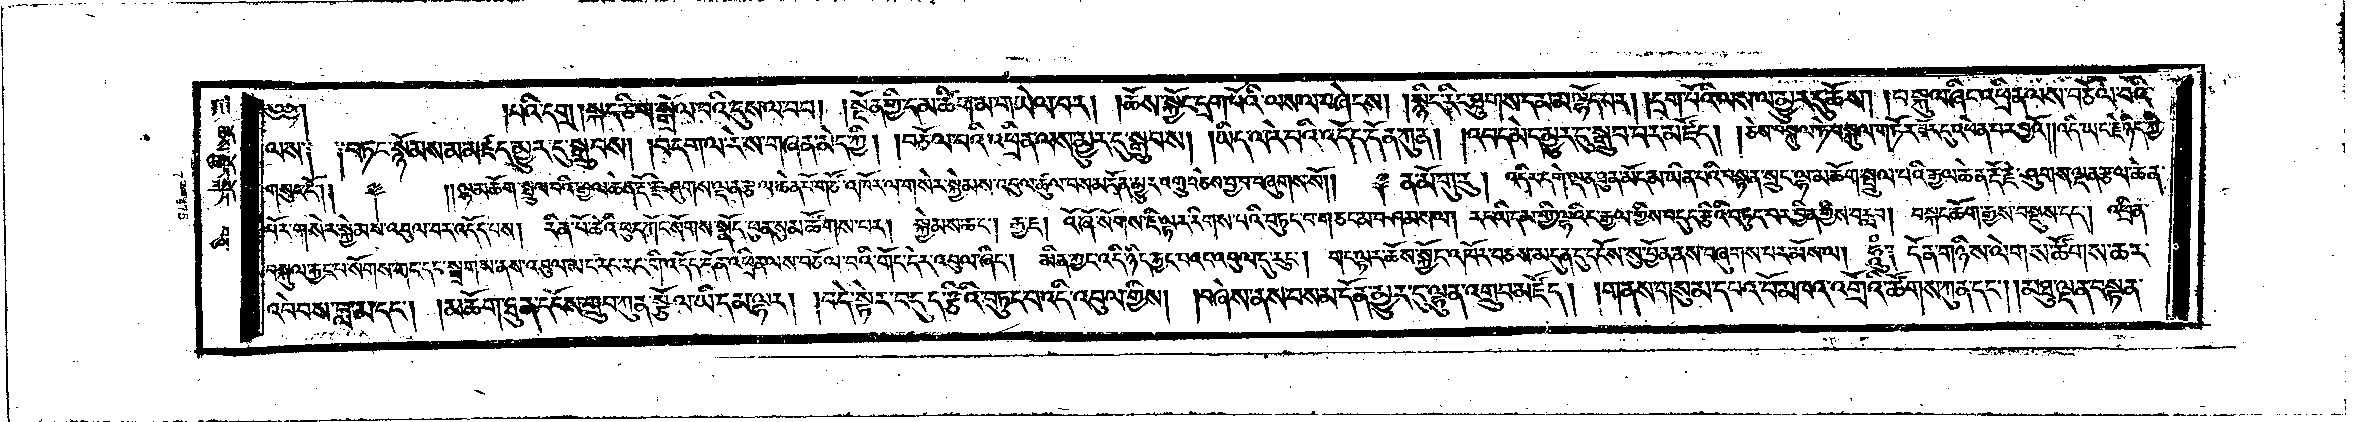༄༅། །པའི་དགྲ་།སྐད་ཅིག་སྒྲོལ་བའི་དུས་ལ་བབ། །སྔོན་གྱི་དམ་ཚིག་མ་གཡེལ་བར། །ཆོས་སྐྱོང་དྲག་པོའི་ལས་ལ་བཞེངས། །སྙིང་རིང་ཐུགས་དམ་མ་ལྷོད་པར། །དྲག་པོའི་ལས་ལ་མྱུར་དུ་ཆོས། །བསྐུལ་ཞིང་འཕྲིན་ལས་བཅོལ་བའི་
ལས༑ ༑བཏང་སྙོམས་མ་མཛད་མྱུར་དུ་སྒྲུབས། །བདག་ལ་རེ་ས་གཞན་མེད་ཀྱི། །བཅོལ་བའི་འཕྲིན་ལས་མྱུར་དུ་སྒྲུབས། །ཡིད་ལ་རེ་བའི་འདོད་དོན་ཀུན། །འབད་མེད་མྱུར་དུ་སྒྲུབ་པར་མཛོད། །ཅེས་བསྐུལ་ཏེ་བསྐུལ་གཏོར་ཟོར་དུ་འཕེན་པར་བྱའོ། །འདི་ཡང་རྗེ་ཉིད་ཀྱི་
གསུང་ངོ།། ༈ །།ལྷ་མཆོག་སྤྲུལ་པའི་རྒྱལ་ཆེན་རྡོ་རྗེ་ཤུགས་ལྡན་རྩལ་ཆེན་པོ་གཙོ་འཁོར་ལ་གསེར་སྐྱེམས་འབུལ་ཚུལ་བསམ་མདོན་མྱུར་འགྲུབ་ཅེས་བྱ་བ་བཞུགས་སོ།། ༈ ན་མོ་གུ་རུ། འདིར་དགེ་ལྡན་ཐུན་མོང་མ་ཡིན་པའི་བསྟན་སྲུང་ལྷ་མཆོག་སྤྲུལ་པའི་རྒྱལ་ཆེན་རྡོ་རྗེ་ཤུགས་ལྡན་རྩལ་ཆེན་
བོར་གསེར་སྐྱེམས་འབུལ་བར་འདོད་པས། རིན་པོ་ཆེའི་ཕུད་ཀོང་སོགས་སྣོད་ཕུན་སུམ་ཚོགས་པར། སྐྱེམས་ཆང་། རྒྱ་ཇ། འོ་ཞོ་སོགས་ཇི་ལྟར་རིགས་པའི་བཏུང་བ་གཅང་མ་བཤམས་ལ། རང་ཡི་དམ་གྱི་ལྷའི་ང་རྒྱལ་གྱིས་བདུད་རྩིའི་བཏུང་བར་བྱིན་གྱིས་བརླབ། བསྐང་ཆོག་རྒྱས་བསྡུས་དང་། འཕྲིན་
བསྐུལ་རྐྱང་པ་སོགས་གང་དང་སྦྲགས་ནས་འབུལ་ཡང་རང་རང་གི་འདོད་དོན་འཕྲིན་ལས་བཅོལ་བའི་གོང་དེར་འབུལ་ཞིང་། མིན་ཀྱང་འདི་ཉིད་རྐྱང་པའང་འབུལ་དུ་རུང་། གང་ལྟར་ཆོས་སྐྱོང་འཁོར་བཅས་མདུན་དུ་དངོས་སུ་བྱོན་ནས་བཞུགས་པར་མོས་ལ། ཧཱུཾ༑ དོན་གཉིས་ལེགས་ཚོགས་ཆར་
འབེབས་བླ་མ་དང་། །མཆོག་ཐུན་དངོས་གྲུབ་ཀུན་སྩོལ་ཡི་དམ་ལྷན། །བདེ་སྟེར་བདུད་རྩིའི་བཏུད་?་འདི་འབུལ་གྱིས། །བཞེས་ནས་བསམ་དོན་མྱུར་དུ་ལྷུན་འགྲུབ་མཛོད། །གནས་གསུམ་དབང་པོ་མཁའ་འགྲོའི་ཚོགས་ཀུན་དང་། །མཐུ་ལྡན་བསྟན་